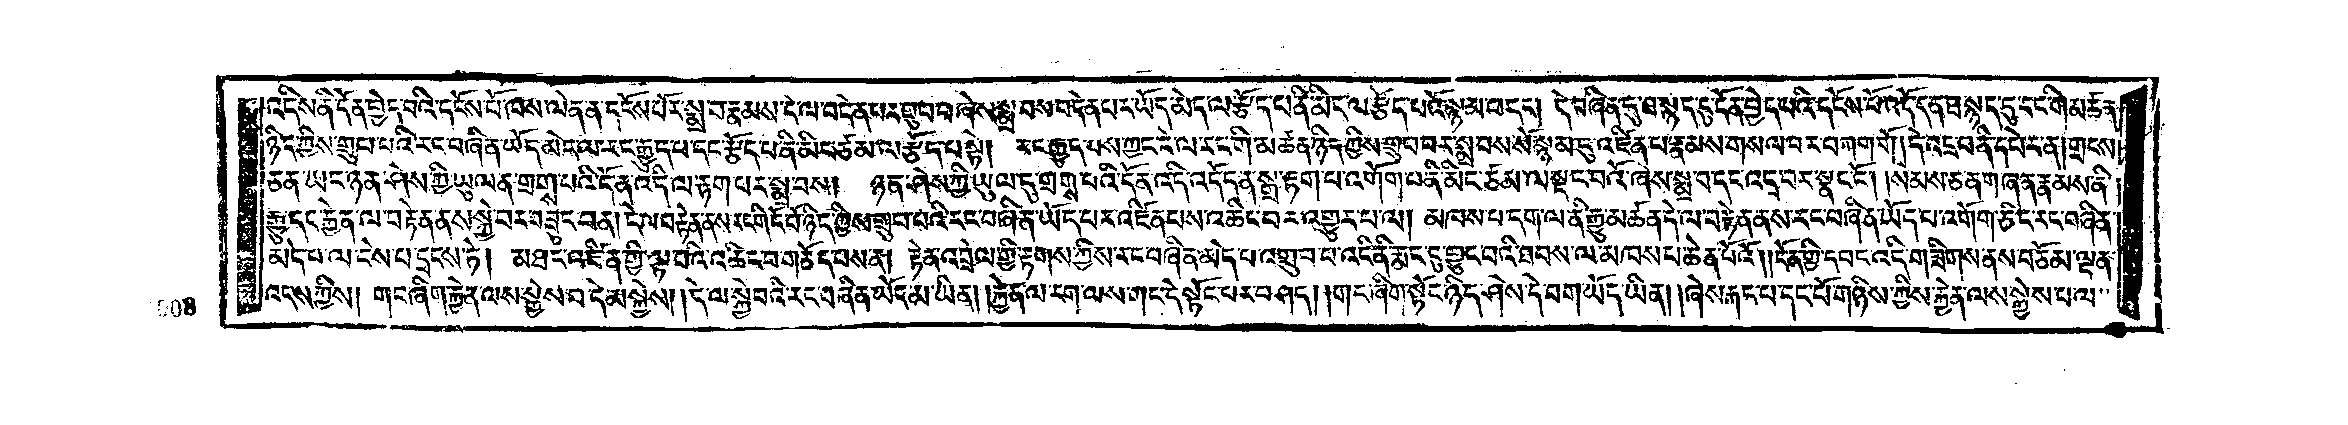འདིས་ནི་དོན་བྱེད་པའི་དངོས་པོ་ཁས་ལེན་ན་དངོས་པོར་སྨྲ་བ་རྣམས་དེ་ལ་བདེན་པར་གྲུབ་པ་ཞེས་སྨྲ་བས་བདེན་པར་ཡོད་མེད་ལ་རྩོད་པ་ནི་མིང་ལ་རྩོད་པའོ་སྙམ་པ་དང་། དེ་བཞིན་དུ་ཐ་སྙད་དུ་དོན་བྱེད་པའི་དངོས་པོ་འདོད་ན་ཐ་སྙད་དུ་རང་གི་མཚན་
ཉིད་ཀྱིས་གྲུབ་པའི་རང་བཞིན་ཡོད་མེད་ལ་རང་རྒྱུད་པ་དང་རྩོད་པ་ནི་མིང་ཙམ་ལ་རྩོད་པ་སྟེ། རང་རྒྱུད་པས་ཀྱང་དེ་ལ་རང་གི་མཚན་ཉིད་ཀྱིས་གྲུབ་པར་སྨྲ་བས་སོ་སྙམ་དུ་འཛིན་པ་རྣམས་གསལ་བར་བཀག་གོ། །དེ་འདྲ་བ་ནི་དཔེར་ན། གྲངས་
ཅན་ཡང་ཉན་ཤེས་ཀྱི་ཡུལ་ན་གྲགས་པའི་དོན་འདི་ལ་རྟག་པར་སྨྲ་བས། ཉན་ཤེས་ཀྱི་ཡུལ་དུ་གྲགས་པའི་དོན་འདི་འདོད་ན་སྒྲ་རྟག་པ་འགོག་པ་ནི་མིང་ཙམ་ལ་སྡང་བའོ་ཞེས་སྨྲ་བ་དང་འདྲ་བར་སྣང་ངོ། །སེམས་ཅན་གཞན་རྣམས་ནི་
རྒྱུ་དང་རྐྱེན་ལ་བརྟེན་ནས་སྐྱེ་བར་བཟུང་བ་ན། དེ་ལ་བརྟེན་ནས་རང་གི་ངོ་བོ་ཉིད་ཀྱིས་གྲུབ་པའི་རང་བཞིན་ཡོད་པར་འཛིན་པས་འཆིང་བར་འགྱུར་པ་ལ། མཁས་པ་དག་ལ་ནི་རྒྱུ་མཚན་དེ་ལ་བརྟེན་ནས་རང་བཞིན་ཡོད་པ་འགོག་ཅིང་རང་བཞིན་
མེད་པ་ལ་ངེས་པ་དྲངས་ཏེ། མཐར་འཛིན་གྱི་ལྟ་བའི་འཆིང་བ་གཅོད་པས་ན། རྟེན་འབྲེལ་གྱི་རྟགས་ཀྱིས་རང་བཞིན་མེད་པ་འགྲུབ་པ་འདི་ནི་རྨད་དུ་བྱུང་བའི་ཐབས་ལ་མཁས་པ་ཆེན་པོའོ། །དོན་གྱི་དབང་འདི་གཟིགས་ནས་བཅོམ་ལྡན་
འདས་ཀྱིས། གང་ཞིག་རྐྱེན་ལས་སྐྱེས་པ་དེ་མ་སྐྱེས། །དེ་ལ་སྐྱེ་བའི་རང་བཞིན་ཡོད་མ་ཡིན། །རྐྱེན་ལ་རག་ལས་གང་དེ་སྟོང་པར་བཤད། །གང་ཞིག་སྟོང་ཉིད་ཤེས་དེ་བག་ཡོད་ཡིན། །ཞེས་རྐང་པ་དང་པོ་གཉིས་ཀྱིས་རྐྱེན་ལས་སྐྱེས་པ་ལ་